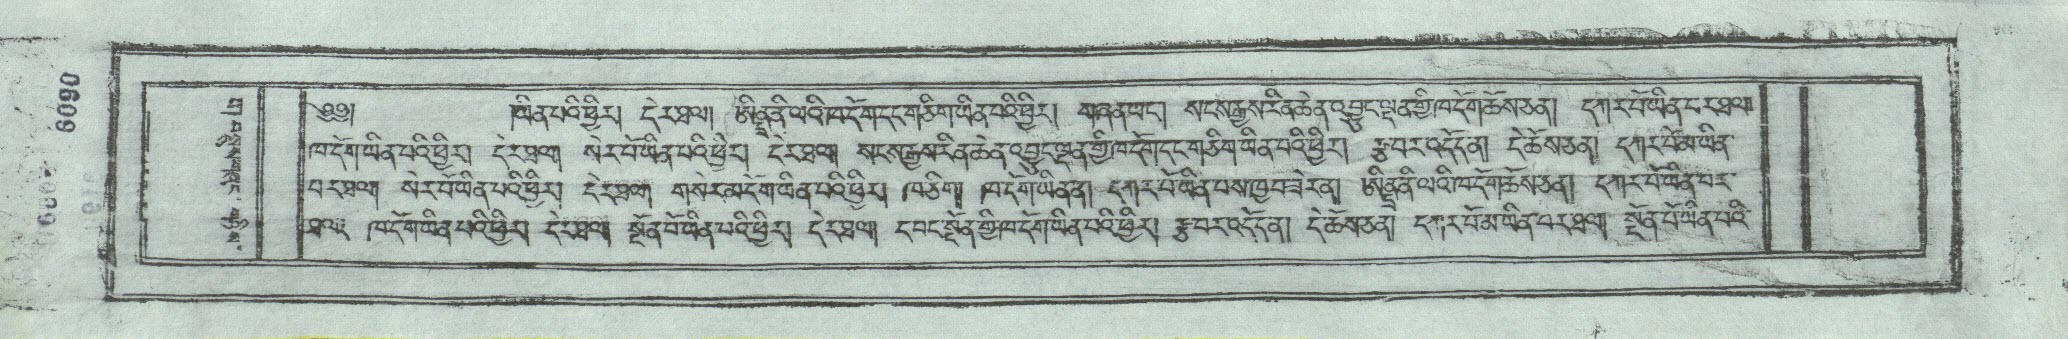༄༅། །ཡིན་པའི་ཕྱིར། དེར་ཐལ། ཨིནྡྲ་ནི་ལའི་ཁ་དོག་དང་གཅིག་ཡིན་པའི་ཕྱིར། གཞན་ཡང་། སངས་རྒྱས་རིན་ཆེན་འབྱུང་ལྡན་གྱི་ཁ་དོག་ཆོས་ཅན། དཀར་པོ་ཡིན་པར་ཐལ།
ཁ་དོག་ཡིན་པའི་ཕྱིར། དེར་ཐལ། སེར་པོ་ཡིན་པའི་ཕྱིར། དེར་ཐལ། སངས་རྒྱས་རིན་ཆེན་འབྱུང་ལྡན་གྱི་ཁ་དོག་དང་གཅིག་ཡིན་པའི་ཕྱིར། རྩ་བར་འདོད་ན། དེ་ཆོས་ཅན། དཀར་པོ་མ་ཡིན་
པར་ཐལ། སེར་པོ་ཡིན་པའི་ཕྱིར། དེར་ཐལ། གསེར་མདོག་ཡིན་པའི་ཕྱིར། ཁ་ཅིག། ཁ་དོག་ཡིན་ན། དཀར་པོ་ཡིན་པས་ཁྱབ་ཟེར་ན། ཨིནྡྲ་ནི་ལའི་ཁ་དོག་ཆོས་ཅན། དཀར་པོ་ཡིན་པར་
ཐལ༑ ཁ་དོག་ཡིན་པའི་ཕྱིར། དེར་ཐལ། སྔོན་པོ་ཡིན་པའི་ཕྱིར། དེར་ཐལ། དབང་སྔོན་གྱི་ཁ་དོག་ཡིན་པའི་ཕྱིར། རྩ་བར་འདོད་ན། དེ་ཆོས་ཅན། དཀར་པོ་མ་ཡིན་པར་ཐལ། སྔོན་པོ་ཡིན་པའི་